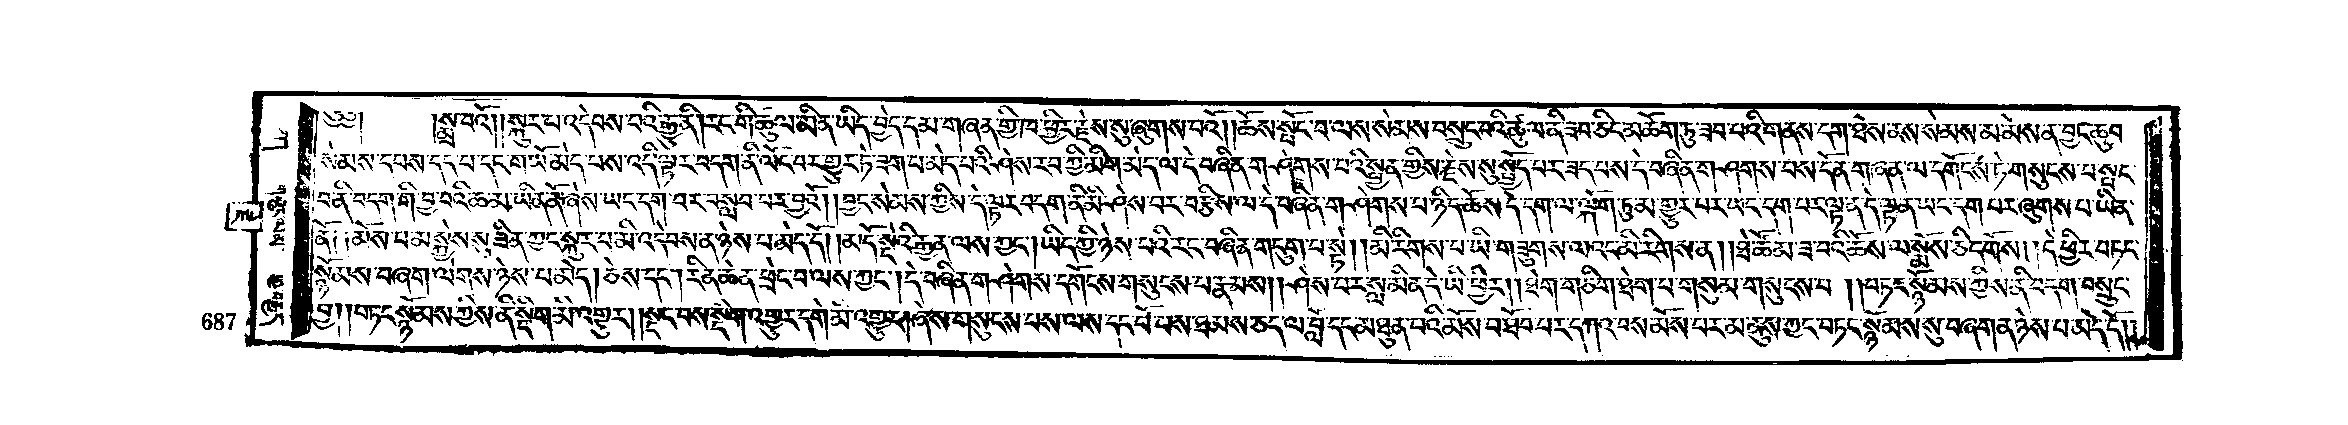༄༅། །སྨྲ་བའོ། །སྐུར་པ་འདེབས་པའི་རྒྱུ་ནི། རང་གི་ཚུལ་མིན་ཡིད་བྱེད་དམ་གཞན་གྱི་ཁ་ཕྱིར་རྗེས་སུ་ཞུགས་པའོ། །ཆོས་སྤོང་བ་ལས་སེམས་བསྲུང་བའི་ཚུལ་ནི་ཟབ་ཅིང་མཆོག་ཏུ་ཟབ་པའི་གནས་དག་ཐོས་ནས་སེམས་མ་མེས་ན་བྱང་ཆུབ་
སེམས་དཔས་དད་པ་དང་གཡོ་མེད་པས་འདི་ལྟར་བདག་ནི་ལོང་བར་གྱུར་ཏེ་ཟག་པ་མེད་པའི་ཤེས་རབ་ཀྱི་མིག་མེད་ལ་དེ་བཞིན་གཤེགས་པའི་སྤྱན་གྱིས་རྗེས་སུ་སྤྱོད་པར་ཟད་པ་དེ་བཞིན་གཤགས་པས་དོན་གཞན་ལ་དགོངས་ཏེ་གསུངས་པ་སྤང་
བ་ནི་བདག་གི་བྱ་བའི་ཆ་མ་ཡིན་ནོ་ཞེས་ཡང་དག་པར་བསླབ་པར་བྱའོ། །བྱང་སེམས་ཀྱིས་དེ་ལྟར་བདག་ནི་མི་ཤེས་པར་བརྩིས་ལ་དེ་བཞིན་གཤེགས་པ་ཉིད་ཆོས་དེ་དག་ལ་ལྐོག་ཏུ་མ་གྱུར་པར་ཡང་དག་པར་ལྟ་ན་དེ་ལྟ་ན་ཡང་དག་པར་ཞུགས་པ་ཡིན་
ནོ༑ ༑མོས་པ་མ་སྐྱེས་སུ་ཟིན་ཀྱང་སྐུར་པ་མི་འདེབས་ན་ཉེས་པ་མེད་དོ། །མདོ་སྡེའི་རྒྱན་ལས་ཀྱང་། ཡིད་ཀྱི་ཉེས་པའི་རང་བཞིན་གདུག་པ་སྟེ། །མི་རིགས་པ་ཡི་གཟུགས་ལའང་མི་རིགས་ན། །ཐེ་ཚོམ་ཟ་བའི་ཆོས་ལ་སྨོས་ཅི་དགོས། །དེ་ཕྱིར་བཏང་
སྙོམས་བཞག་ལེགས་ཉེས་པ་མེད། ཅེས་དང་། རིན་ཆེན་ཕྲེང་བ་ལས་ཀྱང་། དེ་བཞིན་གཤེགས་དགོངས་གསུངས་པ་རྣམས། །ཤེས་པར་སླ་མིན་དེ་ཡི་ཕྱིར། །ཐེག་གཅིག་ཐེག་པ་གསུམ་གསུངས་པ། །བཏང་སྙོམས་ཀྱིས་ནི་བདག་བསྲུང་
བྱ། །བཏང་སྙོམས་ཀྱིས་ནི་སྡིག་མི་འགྱུར། །སྡང་བས་སྡིག་འགྱུར་དགེ་མི་འགྱུར། ཞེས་གསུངས་པས་ལས་དང་པོ་པས་ཐམས་ཅད་ལ་བློ་དང་མཐུན་པའི་མོས་པ་ཐོབ་པར་དཀའ་བས་མོས་པར་མ་ནུས་ཀྱང་བཏང་སྙོམས་སུ་བཞག་ན་ཉེས་པ་མེད་དོ།།